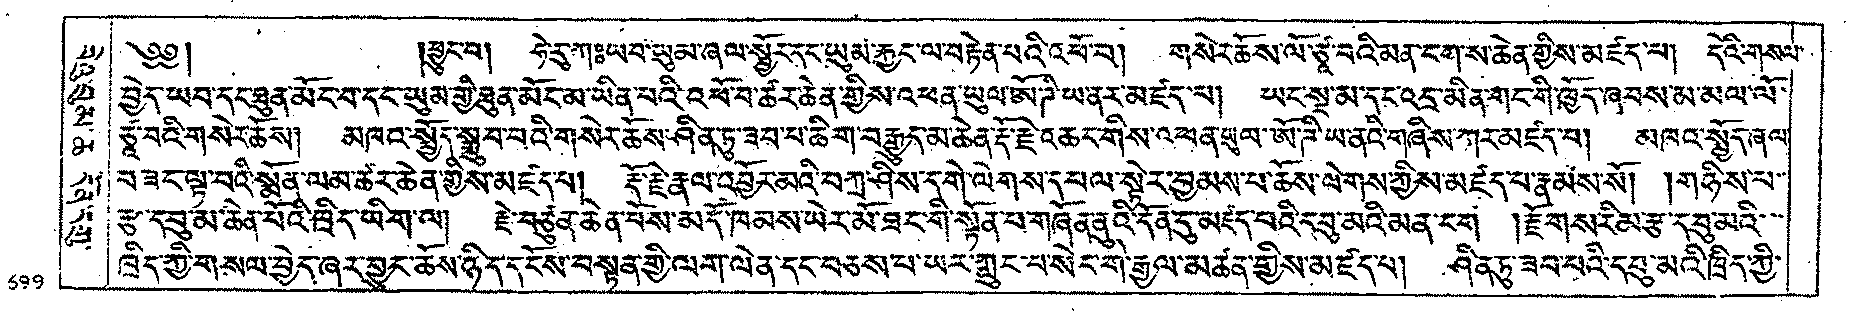༄༅། །ཕྱུང་བ། ཧེ་རུ་ཀཿ ཡབ་ཡུམ་ཞལ་སྦྱོར་དང་ཡུམ་རྐྱང་ལ་བརྟེན་པའི་འཕོ་བ། གསེར་ཆོས་ལོ་ཙཱ་བའི་མན་ངག་ས་ཆེན་གྱིས་མཛད་པ། དེའི་གསལ་
བྱེད་ཡབ་དང་ཐུན་མོང་བ་དང་ཡུམ་གྱི་ཐུན་མོང་མ་ཡིན་པའི་འཕོ་བ་ཚར་ཆེན་གྱིས་འཕན་ཡུལ་ཨོ་ཌི་ཡ་ནར་མཛད་པ། ཡང་སྔ་མ་དང་འདྲ་མིན་གང་གི་ཁྱོད་ཞབས་མ་མལ་ལོ་
ཙཱ་བའི་གསེར་ཆོས། མཁའ་སྤྱོད་སྒྲུབ་པའི་གསེར་ཆོས་ཤིན་ཏུ་ཟབ་པ་ཆིག་བརྒྱུད་མ་ཆེན་རྡོ་རྗེ་འཆང་གིས་འཕན་ཡུལ་ཨོ་ཌི་ཡ་ནའི་གཞིས་ཀར་མཛད་པ། མཁའ་སྤྱོད་ཞལ་
བཟང་ལྟ་བའི་སྨོན་ལམ་ཚར་ཆེན་གྱིས་མཛད་པ། རྡོ་རྗེ་རྣལ་འབྱོར་མའི་བཀྲ་ཤིས་དགེ་ལེགས་དཔལ་སྟེར་བྱམས་པ་ཆོས་ལེགས་ཀྱིས་མཛད་པ་རྣམས་སོ། །གཉིས་པ་
རྩ་དབུ་མ་ཆེན་པོའི་ཁྲིད་ཡིག་ལ། རྗེ་བཙུན་ཆེན་པོས་མདོ་ཁམས་ཡེར་མོ་ཐང་གི་སྟོན་པ་གཞོན་ནུའི་དོན་དུ་མཛད་པའི་དབུ་མའི་མན་ངག །རྫོགས་རིམ་རྩ་དབུ་མའི་
ཁྲིད་ཀྱི་གསལ་བྱེད་ཞར་བྱུང་ཆོས་ཉིད་དངོས་བསྟན་གྱི་ལག་ལེན་དང་བཅས་པ་ཡར་ཀླུང་པ་སེང་གེ་རྒྱལ་མཚན་གྱིས་མཛད་པ། ཤིན་ཏུ་ཟབ་པའི་དབུ་མའི་ཁྲིད་ཀྱི་